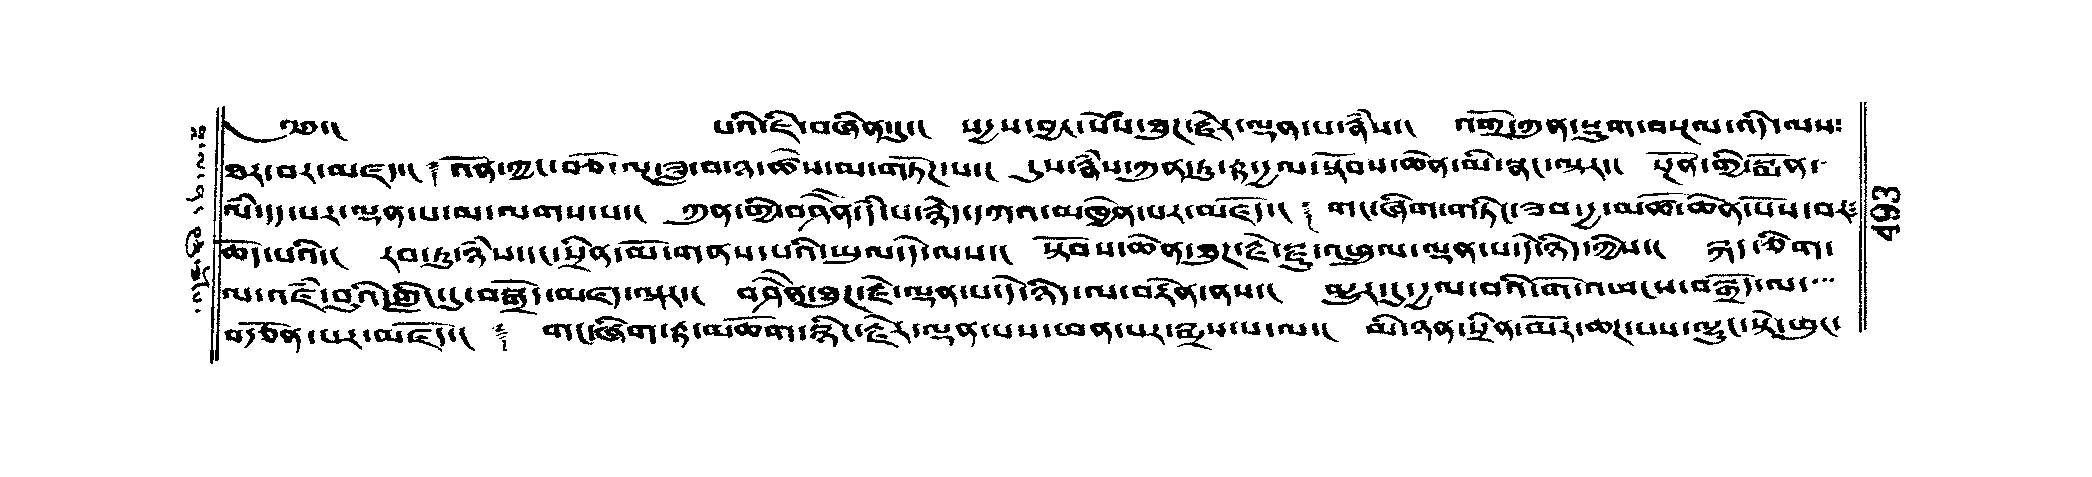པ་ཇི་བཞིན་དུ། །སངས་རྒྱས་བྱང་སེམས་ཐུགས་རྗེ་ལྡན་པ་རྣམས། །འགྲོ་ཀུན་སྡུག་བསྔལ་འདི་ལས་
ཐར་བར་མཛད། །འོན་ཀྱང་བཅོ་ལྔ་ཟླ་བ་ཉ་ཚེས་མ་གཏོགས་པ། །དུས་རྣམས་ཀུན་ཏུ་རྟ་རྒྱལ་སྟོབས་ཆེན་མི་སྣང་ལྟར། །སྔོན་གྱི་སྨོན་
ལམ་དད་པར་ལྡན་པ་མ་ལགས་པ། །ཀུན་གྱི་བཤེས་གཉེན་དམ་པ་རྙེད་དཀའ་མཁྱེན་པར་མཛོད། །གང་ཞིག་གཏིང་ཟབ་རྒྱ་མཚོ་ཆེན་པོས་བར་
ཆོད་པའི། །རབ་ཏུ་ཉམས་དང་སྲིན་མོ་གནས་པའི་ཡུལ་དེ་ལས། །སྟོབས་ཆེན་ཐུགས་རྗེ་རྫུ་འཕྲུལ་ལྡན་པ་དེ་ཉིད་ཀྱིས། །སྐད་ཅིག་ཉིད་
ལ་འཛམ་བུའི་གླིང་དུ་བསྒྲོད་མཛད་ལྟར། །བཤེས་གཉེན་ཐུགས་རྗེ་ལྡན་པ་དེ་ཉིད་ལ་བརྟེན་ནས། །མྱུར་དུ་རྒྱལ་བའི་གོ་འཕང་བསྒྲོད་ལ་
བརྩོན་པར་མཛོད། །གང་ཞིག་རྟ་མཆོག་སྙིང་རྗེར་ལྡན་པས་ཕན་པར་སྨྲས་པ་ལ། །མི་ཉན་སྲིན་མོར་ཆགས་པས་ལྷུང་སྟེ་ཕུང་